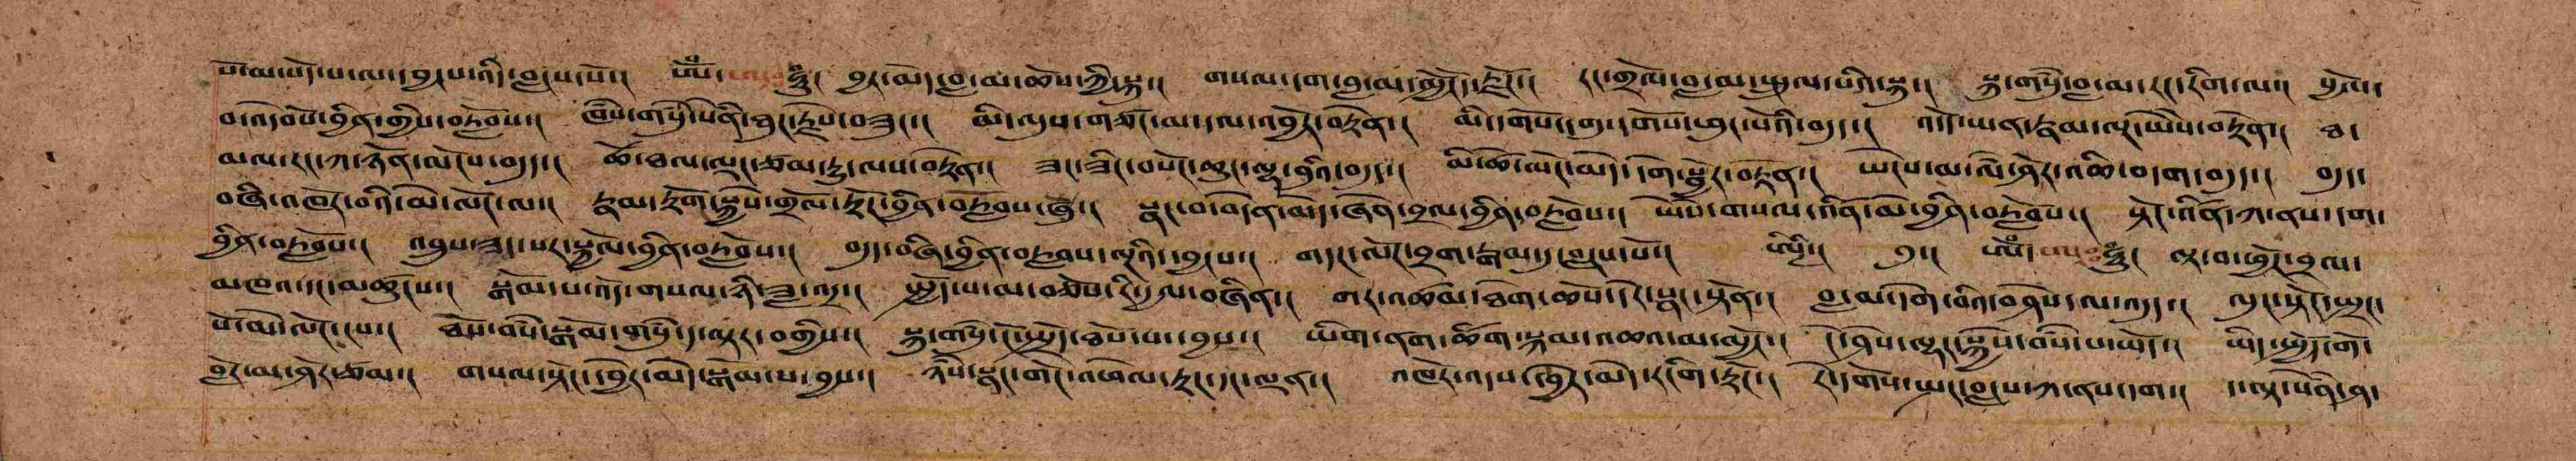སོ་མ་ཡོད་པ་ལ་དབྱངས་འདི་བླངས་སོ། ཨོཾ་ཨཱཿཧཱུཾ། བྱར་མེད་བླ་མ་ཆོས་ཀྱི་སྐུ། གསལ་དག་བླ་མ་ལོངས་སྤྱོད་རྫོགས། རང་གྲོལ་བླ་མ་སྤྲུལ་པའི་སྐུ། སྐུ་གསུམ་བླ་མ་རང་རིག་ལ། གསོལ་
བ་འདེབས་སོ་བྱིན་གྱིས་བརློབས། ཁམས་གསུམ་སེམས་ཅན་ཐུགས་རྗེས་བཟུང་། མི་ལུས་གཙང་མ་དལ་འབྱོར་བརྟེན། མི་དགོས་དགུ་དགོས་ཕུང་པོའི་བདུད། འདོད་ཡོན་རྣམ་ལྔ་ཡེ་ཤེས་བརྟེན། ཐ་
མལ་རང་ཀ་ཉོན་མོངས་བདུད། ཚེ་ཐལ་ལྡང་ཙམ་རྒྱུ་ལས་བརྟེན། ཟང་ཟིང་བསོང་ཆུང་ལྟ་བུའི་བདུད། མེ་ཚེ་ལོང་མེད་དགེ་སྦྱོར་བརྟེན། ཡོངས་མ་ལམ་ཤོར་འཆི་བདག་བདུད། བདུད་
བཞི་འཁོར་བའི་མེ་ལོང་ལ། རྣམ་རྟོག་སྐྱེས་གྲོལ་རྟོགས་བྱིན་བརློབས་ཞུ། སྣང་བ་བདེན་མེད་ཞེན་བྲལ་བྱིན་བརློབས། ཡེ་ཤེས་གསལ་འཛིན་མེ་བྱིན་བརློབས། སྟོང་འཛིན་ཀ་ནས་དག་
བྱིན་བརློབས། འབྲས་བུས་ཟད་སར་སྐྱོལ་བྱིན་བརློབས། བདུད་བཞི་བྱིན་བརླབས་ལྔའི་དབྱངས། གདང་ལོགས་བྲག་རྒམ་དུ་བླངས་སོ། ཨིཊི། ༄་། ཨོཾ་ཨཱཿཧཱུཾ། ལྟ་བ་ཕྱོགས་བྲལ་
མཁའ་དང་མཚུངས། སྒོམ་པ་འོད་གསལ་ཉི་ཟླ་འདྲ། སྤྱོད་པ་མ་བཅོས་རི་རྒྱལ་བཞིན། གར་འཚམ་ཐེག་ཆོས་དེར་སྣང་སྟོན། བླ་མ་དགེ་བའི་བཤེས་ལ་འདུད། ལུང་སྟོང་སྤྲང་
པོ་མེ་ལོང་ངས། ཐོས་བསམ་སྒོམ་གསུམ་ད་ལྟར་བགྱིས། སྐུ་གསུམ་ངོ་སྤྲོད་ཐོས་པ་བྱས། ཡིག་ནག་ཚིག་སྐམ་འཆའ་མ་མྱོང་། ངེ་ཤེས་ལྷར་སྐྱེས་བསམ་པ་ཡོད། ཡིད་སྤྱོད་གོ་
བློར་མ་ཤོར་ཙམ། གསལ་སྟོང་དབྱེར་མེད་སྒོམ་པ་བྱས། ཉམས་སྣང་གོང་འཕེལ་རྟགས་དང་ལྡན། འཁོར་འདས་དབྱེར་མེད་རང་རིག་རྟོགས། རེ་དགོས་སྤང་བླངས་ཀ་ནས་དག ད་ལྟ་སེམས་ཅན་ཤ་